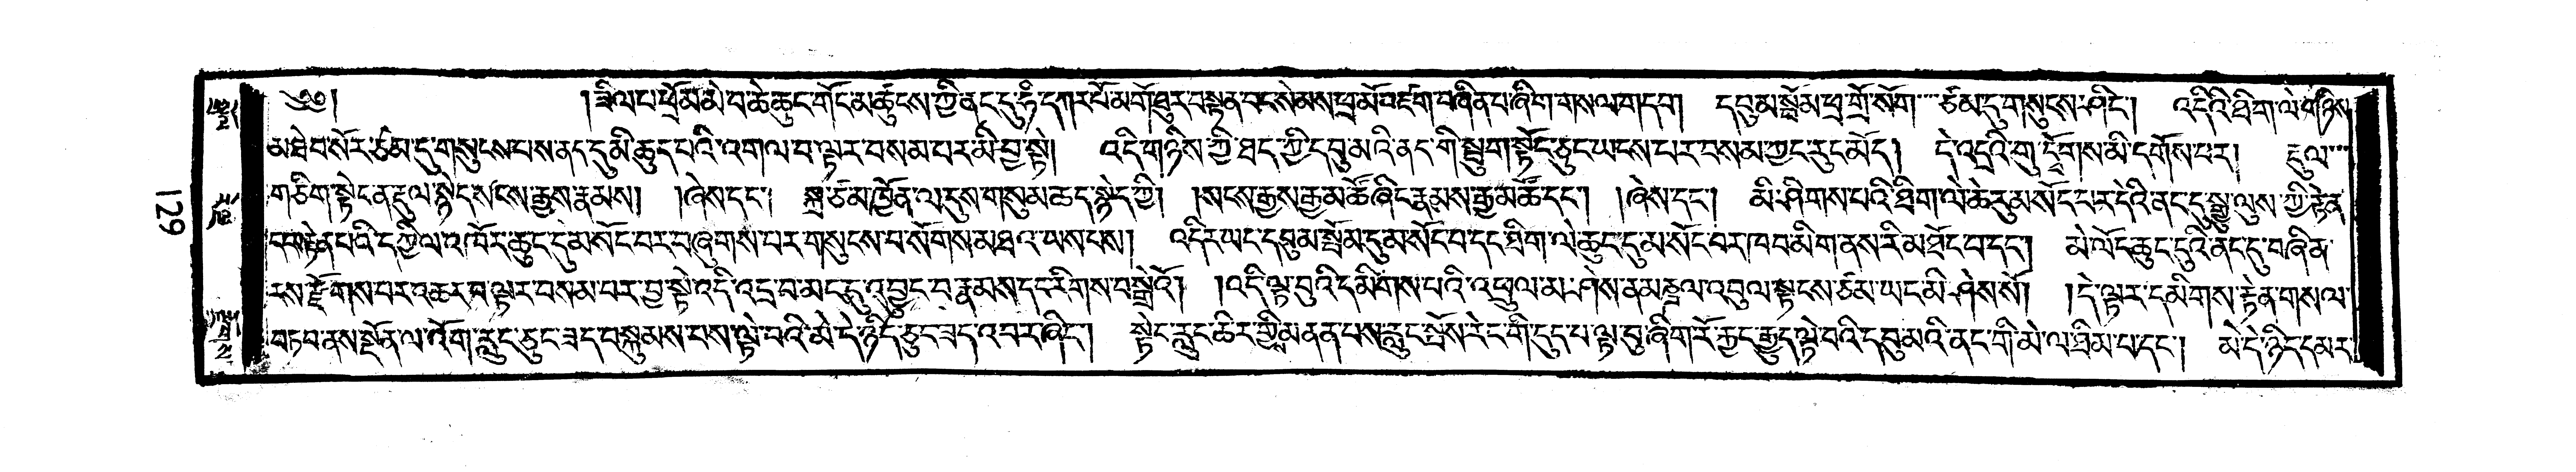༄༅། །ཟིལ་པ་ཕྲོམ་མེ་བ་ཆེ་ཆུང་གོང་མཚུངས་ཀྱི་ནང་དུ་ཧཾ་དཀར་པོ་མགོ་ཐུར་བསྟན་བྱང་སེམས་ཕྲ་མོ་འཛག་བཞིན་པ་ཞིག་གསལ་གདབ། དབུ་མ་སྦོམ་ཕྲ་གྲོ་སོག་ཙམ་དུ་གསུངས་ཤིང་། འདིའི་ཐིག་ལེ་གཉིས་
མཐེབ་སོར་ཙམ་དུ་གསུངས་པས་ནང་དུ་མི་ཆུད་པའི་འགལ་བ་ལྟར་བསམ་པར་མི་བྱ་སྟེ། འདི་གཉིས་ཀྱི་ཐད་ཀྱི་དབུ་མའི་ནང་གི་སྦུག་སྟོང་ཅུང་ཡངས་པར་བསམས་ཀྱང་རུང་མོད། དེ་འདྲའི་གུ་དོག་མི་དགོས་པར། རྡུལ་
གཅིག་སྟེང་ན་རྡུལ་སྙེད་སངས་རྒྱས་རྣམས། །ཞེས་དང་། སྒྲ་ཙམ་ཁྱོན་ལ་དུས་གསུམ་ཚད་སྙེད་ཀྱི། །སངས་རྒྱས་རྒྱ་མཚོ་ཞིང་རྣམ་རྒྱ་མཚོ་དང་། །ཞེས་དང་། མི་ཤིག་པའི་ཐིག་ལེ་ཆེ་རུ་མ་སོང་བར་དེའི་ནང་དུ་སྒྱུ་ལུས་ཀྱི་རྟེན་
དང་བརྟེན་པའི་དཀྱིལ་འཁོར་ཆུང་དུ་མ་སོང་བར་བཞུགས་པར་གསུངས་པ་སོགས་མཐའ་ཡས་པས། །འདིར་ཡང་དབུ་མ་སྦོམ་དུ་མ་སོང་པ་དང་ཐིག་ལེ་ཆུང་དུ་མ་སོང་བར་ཁབ་མི་གནས་རི་མཐོང་བ་དང་། མེ་ལོང་ཆུང་དུའི་ནང་དུ་བཞིན་
རས་རྫོགས་པར་འཆར་བ་ལྟར་བསམ་པར་བྱ་སྟེ་འདི་འདྲ་བ་མང་དུ་འབྱུང་བ་རྣམས་དང་རིགས་བསྒྲེའོ། །འདི་ལྟ་བུའི་དམིགས་པའི་འཕྲུལ་མ་ཤེས་ན་མཎྜལ་འབུལ་སྟངས་ཙམ་ཡང་མི་ཤེས་སོ། །དེ་ལྟར་དམིགས་རྟེན་གསལ་
བཏབ་ནས་སྔོན་ལ་འོག་རླུང་ཅུང་ཟད་བསྐུམས་པས་ལྟེ་བའི་མེ་དེ་ཉིད་ཅུང་ཟད་འབར་ཞིང་། སྟེང་རླུང་ཆིར་གྱིས་མནན་པས་རླུང་སྦོས་རེང་གི་དུ་བལྟ་བུ་ཞིག་རོ་རྐྱང་རྒྱུད་ལྟེ་བའི་དབུ་མའི་ནང་གི་མེ་ལ་ཐིམ་པ་དང་། མེ་དེ་ཉིད་དམར་